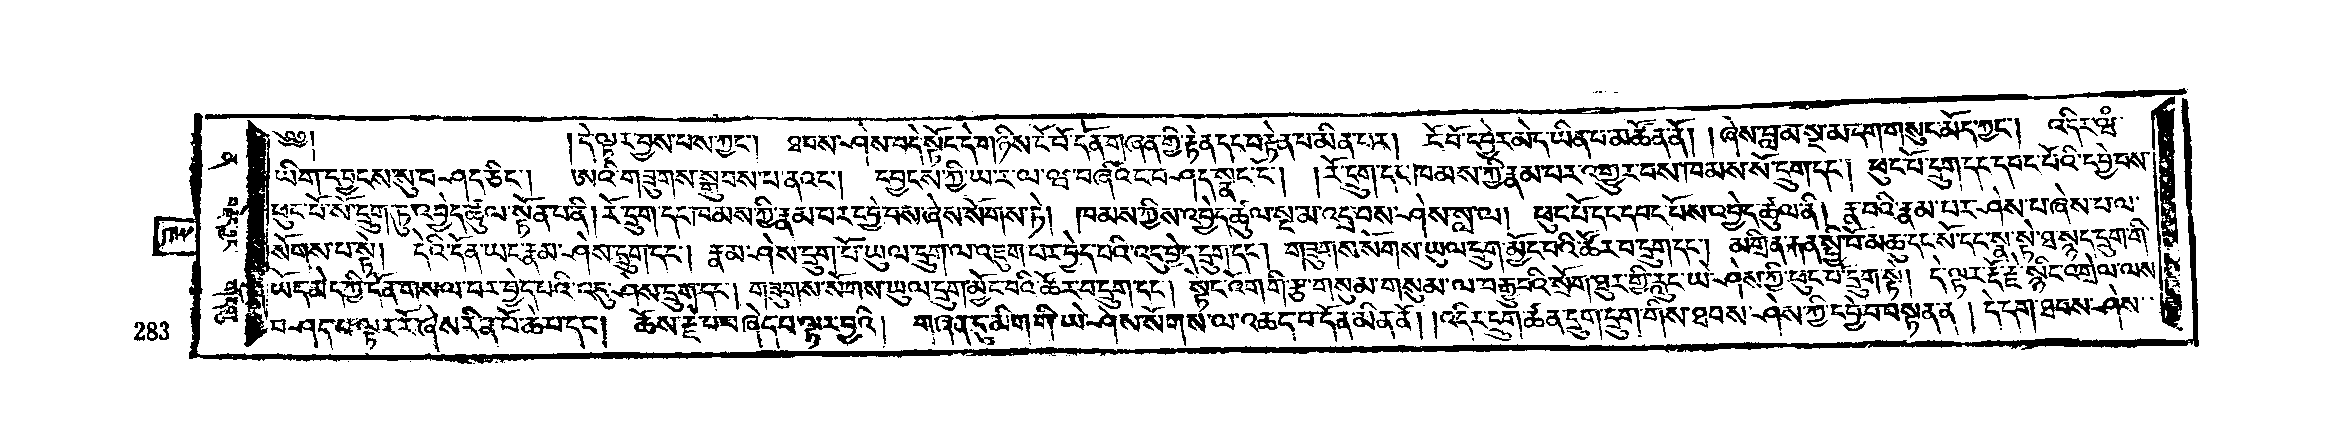༄༅། །དེ་ལྟར་བྱས་པས་ཀྱང་། ཐབས་ཤེས་བདེ་སྟོང་དེ་གཉིས་ངོ་བོ་དོན་གཞན་གྱི་རྟེན་དང་བརྟེན་པ་མིན་པར། ངོ་བོ་དབྱེར་མེད་ཡིན་པ་མཚོན་ནོ། །ཞེས་བླ་མ་སྔ་མ་དག་གསུང་མོད་ཀྱང་། འདིར་ཝཾ་
ཡིག་དབྱངས་སུ་བཤད་ཅིང་། ཨཱི་གཟུགས་སྒྲུབས་པ་ནའང་། དབྱངས་ཀྱི་ཡ་ར་ལ་ཝ་བཞིའང་བཤད་སྣང་ངོ། །རོ་དྲུག་དང་ཁམས་ཀྱི་རྣམ་པར་འགྱུར་བས་ཁམས་སོ་དྲུག་དང་། ཕུང་པོ་དྲུག་དང་དབང་པོའི་དབྱེ་བས་
ཕུང་པོ་སོ་དྲུག་ཏུ་འབྱེད་ཚུལ་སྟོན་པ་ནི། རོ་དྲུག་དང་ཁམས་ཀྱི་རྣམ་པར་དབྱེ་བས་ཞེས་སོགས་ཏེ། ཁམས་ཀྱིས་འབྱེད་ཚུལ་སྔ་མ་འདྲ་བས་ཤེས་སླ་ལ། ཕུང་པོ་དང་དབང་པོས་འབྱེད་ཚུལ་ནི། རྣ་བའི་རྣམ་པར་ཤེས་པ་ཞེས་པ་ལ་
སོགས་པ་སྟེ། དེའི་དོན་ཡང་རྣམ་ཤེས་དྲུག་དང་། རྣམ་ཤེས་དྲུག་པོ་ཡུལ་དྲུག་ལ་འཇུག་པར་བྱེད་པའི་འདུ་བྱེད་དྲུག་དང་། གཟུགས་སོགས་ཡུལ་དྲུག་མྱོང་བའི་ཚོར་བ་དྲུག་དང་། མགྲིན་རྐན་སྤྱི་བོ་མཆུ་དང་སོ་དང་སྣ་སྟེ་ཐ་སྙད་དྲུག་གི་
ཡོད་མེད་ཀྱི་དོན་གསལ་བར་བྱེད་པའི་འདུ་ཤེས་དྲུག་དང་། གཟུགས་སོགས་ཡུལ་དྲུག་མྱོང་བའི་ཚོར་བ་དྲུག་དང་། སྟེང་འོག་གི་རྩ་གསུམ་གསུམ་ལ་བརྒྱུ་བའི་སྲོག་ཐུར་གྱི་རླུང་ཡེ་ཤེས་ཀྱི་ཕུང་པོ་དྲུག་སྟེ། དེ་ལྟར་རྡོ་རྗེ་སྙིང་འགྲེལ་ལས་
བཤད་པ་ལྟར་རོ་ཞེས་རིན་པོ་ཆེ་པ་དང་། ཆོས་རྗེ་པ་བཞེད་པ་ལྟར་བྱའོ། གཞན་དུ་མིག་གི་ཡེ་ཤེས་སོགས་ལ་འཆད་པ་དོན་མིན་ནོ། །འདིར་དྲུག་ཚན་དྲུག་དྲུག་གིས་ཐབས་ཤེས་ཀྱི་དབྱེ་བ་བསྟན་ན། དེ་དག་ཐབས་ཤེས་